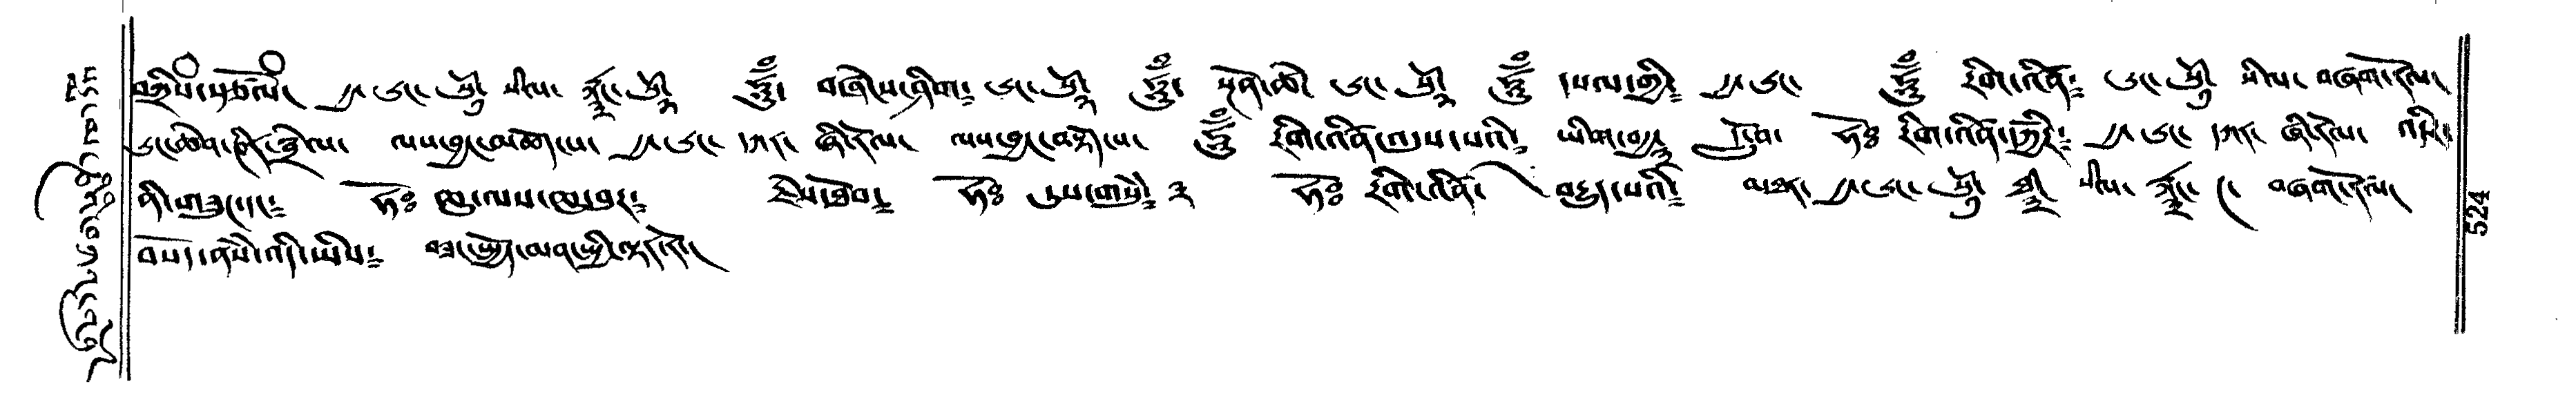བཀྲ་ཤིས་སྩོལ། རྒྱ། དུང་། སུམ་གཅིག སིལ། རྐང་གསུམ། སུམ་གཉིས། ཧཱུྃ༔བཞེངས་ཤིག༴ དུང་། སུམ་གཉིས། ཧཱུྃ༔ སྔོན་ཚེ༴ དུང་། སུམ་གཉིས། ཧཱུྃ༔ དཔལ་གྱི༴ རྒྱ། དུང་། ཧཱུྃ༔ རིག་འཛིན༴ དུང་། སུམ་གཅིག སིལ། བཞག་རོལ། 
དུང་ཆེན་ཎིར་སྦྲེལ། ལས་བྱང་མཆོད་པ། རྒྱ། དུང་། དཀར། ཞི་རོལ། ལས་བྱང་བསྟོད་པ། ཧཱུྃ༔ རིག་འཛིན་འདུས་པའི༴ ཡིག་བརྒྱ། དངོས་གྲུབ། ཧོཿ རིག་འཛིན་དཀྱིལ་འཁོར༴ རྒྱ། དུང་། དཀར། ཞི་རོལ། འདིར་
ནི་གཟུགས་དང༴ ཧོཿ ཆུ་ལས་ཆུ་བུར༴ རྗེས་ཐོབ༴ ཧོཿ དུས་གསུམ༴ ལན་གསུམ། ཧོཿ རིག་འཛིན་བརྒྱུད་པའི༴ མཐར། རྒྱ། དུང་། སུམ་གཅིག ཐིང་གསུམ། སིལ། རྐང་གསུམ། ཌཱ། བཞག་རོལ། 
བསོད་ནམས་འདི་ཡིས༴ བཟང་སྤྱོད་མན་སྤྱི་ལྟར་རོ།། དགེའོ།།